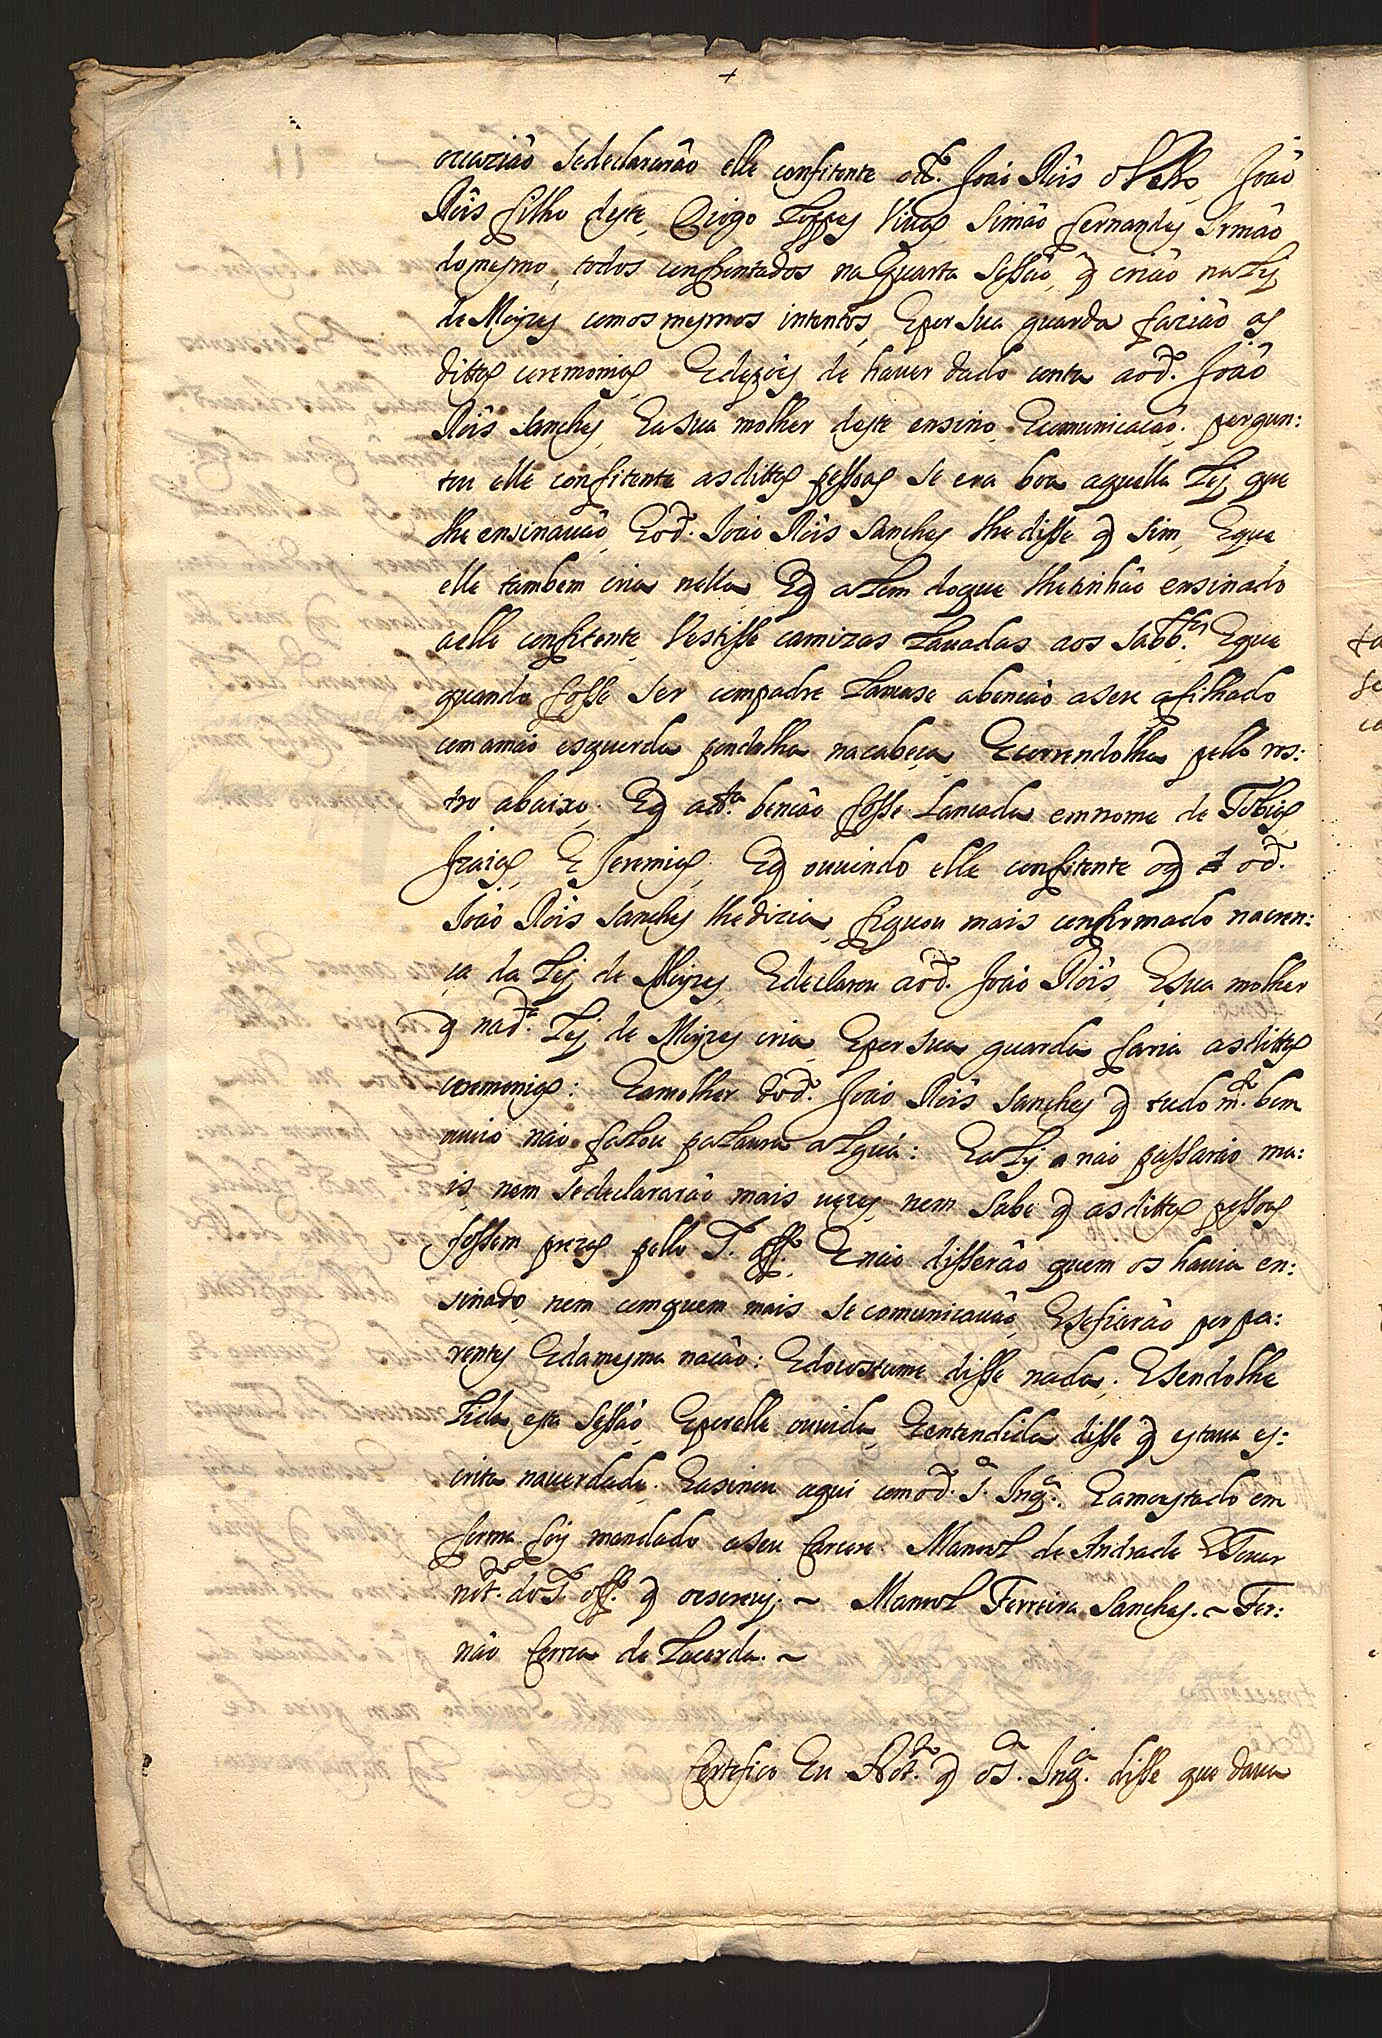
occazião se declararão elle confitente o d̄o. Joaõ Roīs o Velho, Joaõ
Roīs filho deste, Diogo Loppes Viuas Simaõ fernandes Irmaõ
do mesmo, todos confrontados na Quarta Sessaõ, q̄ criaõ na Lej
de Moyzes com os mesmos intentos, E por sua guarda faziaõ as
dittas ceremonias, E depois de hauer dado conta ao d̄o. Joaõ
Roīs Sanches, E a sua molher deste ensino, E comunicacaõ; pergun
tou elle confitente as dittas pessoas se era boa aquella Lej que
lhe ensinauaõ, E o d̄o. Ioaõ Roīs Sanches lhe disse q̄ sim, E que
elle tambem cria nella E q̄ aLem do que lhe tinhaõ ensinado
a elle confitente, Vestisse camizas Lauadas aos Sab̄b.os E que
quando fosse ser compadre Lancase a bencaõ a seu afilhado
com a maõ esquerda pondolha na cabeça, E correndolha pello ros
tro abaixo; E q̄ a d̄a. bencaõ fosse Lancada em nome de Tobias
Jzaias, E Jeremias, e q̄ ouuindo elle confitente o q̄ el o d̄.o
Ioaõ Roīs Sanches lhe dizia, fiquou mais confirmado na cren
ça da Lej de Moyzes, E declarou ao d̄o. Joaõ Roīs E sua molher
q̄ na d̄a. Lej de Moyzes cria, E por sua guarda faria as dittas
ceremonias: E a molher do d̄o. Joaõ Roīs Sanches q̄ tudo m.to bem
ouuio naõ falou palaura aLguā: E aLy a naõ passaraõ ma
is, nem se declararaõ mais uezes, nem Sabe q̄ as dittas pessoas
fossem prezas pello S.to off.o, E naõ disseraõ quem os hauia en
sinado, nem com quem mais se comunicauaõ, E se fiaraõ por pa
rentes E da mesma nacaõ: E do costume disse nada; E sendolhe
Lida esta Sessaõ, E por elle ouuida, E entendida disse q̄ estaua es
crita na uerdade; E asinou aqui com o d̄o. sor. Inqor. E amoestado em
forma foy mandado a seu Carcere. Manoel de Andrade E Touar
notto. do s.to off.o q̄ o escreuj. ~ Manoel Ferreira Sanches. ~ Fer
naõ Correa de Lacerda. ~
Certefico Eu Not.to q̄ o sor. Inqor. disse que daua
